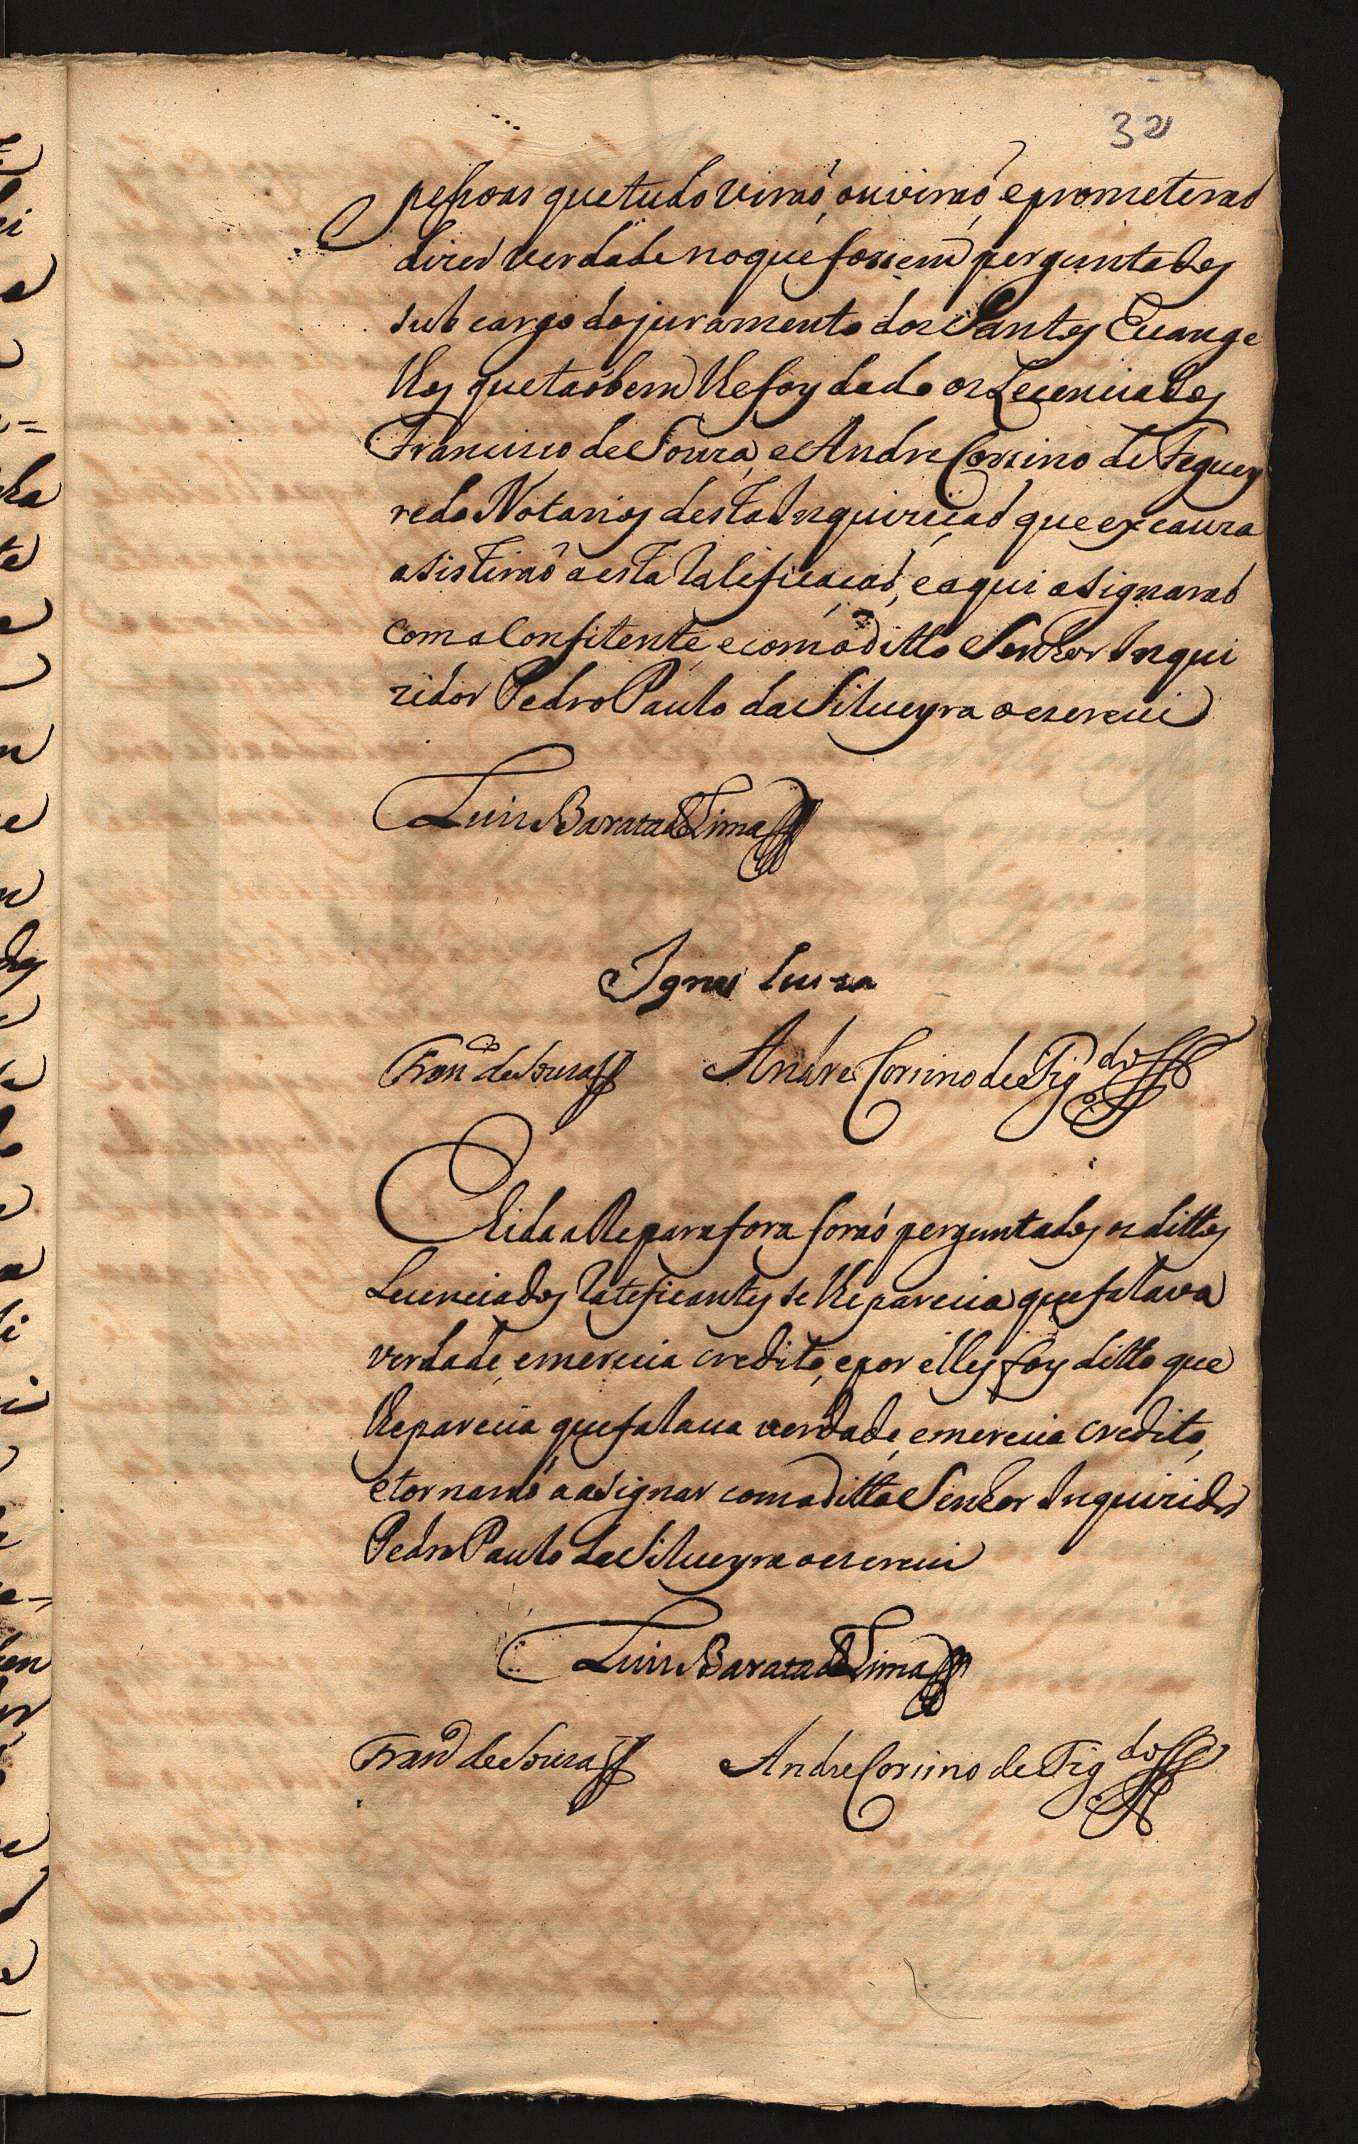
pessoas que tudo viraõ ouviraõ, e prometeraõ
dizer verdade no que fossem perguntados
sub cargo do juramento dos Santos Euange
lhos que taõbem lhe foy dado os Lecenciados
Francisco de Souza, e Andre Corsino de Feguey
redo Notarios desta Inquiziçaõ que ex cauza
asistiraõ a esta Rateficaçaõ, e aqui asignaraõ
com a confitente, e com o ditto Senhor Inqui
zidor Pedro Paulo da Silueyra o escreui
Luiz Barata d̄ Lima
Ignes luiza
Fran.c de Souza Andre Corsino de Fig.do
E hida a Re para fora foraõ perguntados os dittos
Lecenciados Rateficantes se lhe parecia que falava
verdade, e merecia credito, e por elles foy ditto que
lhe parecia que falaua verdade, e merecia credito,
e tornaraõ a asignar com o ditto Senhor Inquizidor
Pedro Paulo da Silueyra o escreui
Luiz Barata de Lima
Fran.co de Souza Andre Corsino de Figdo
